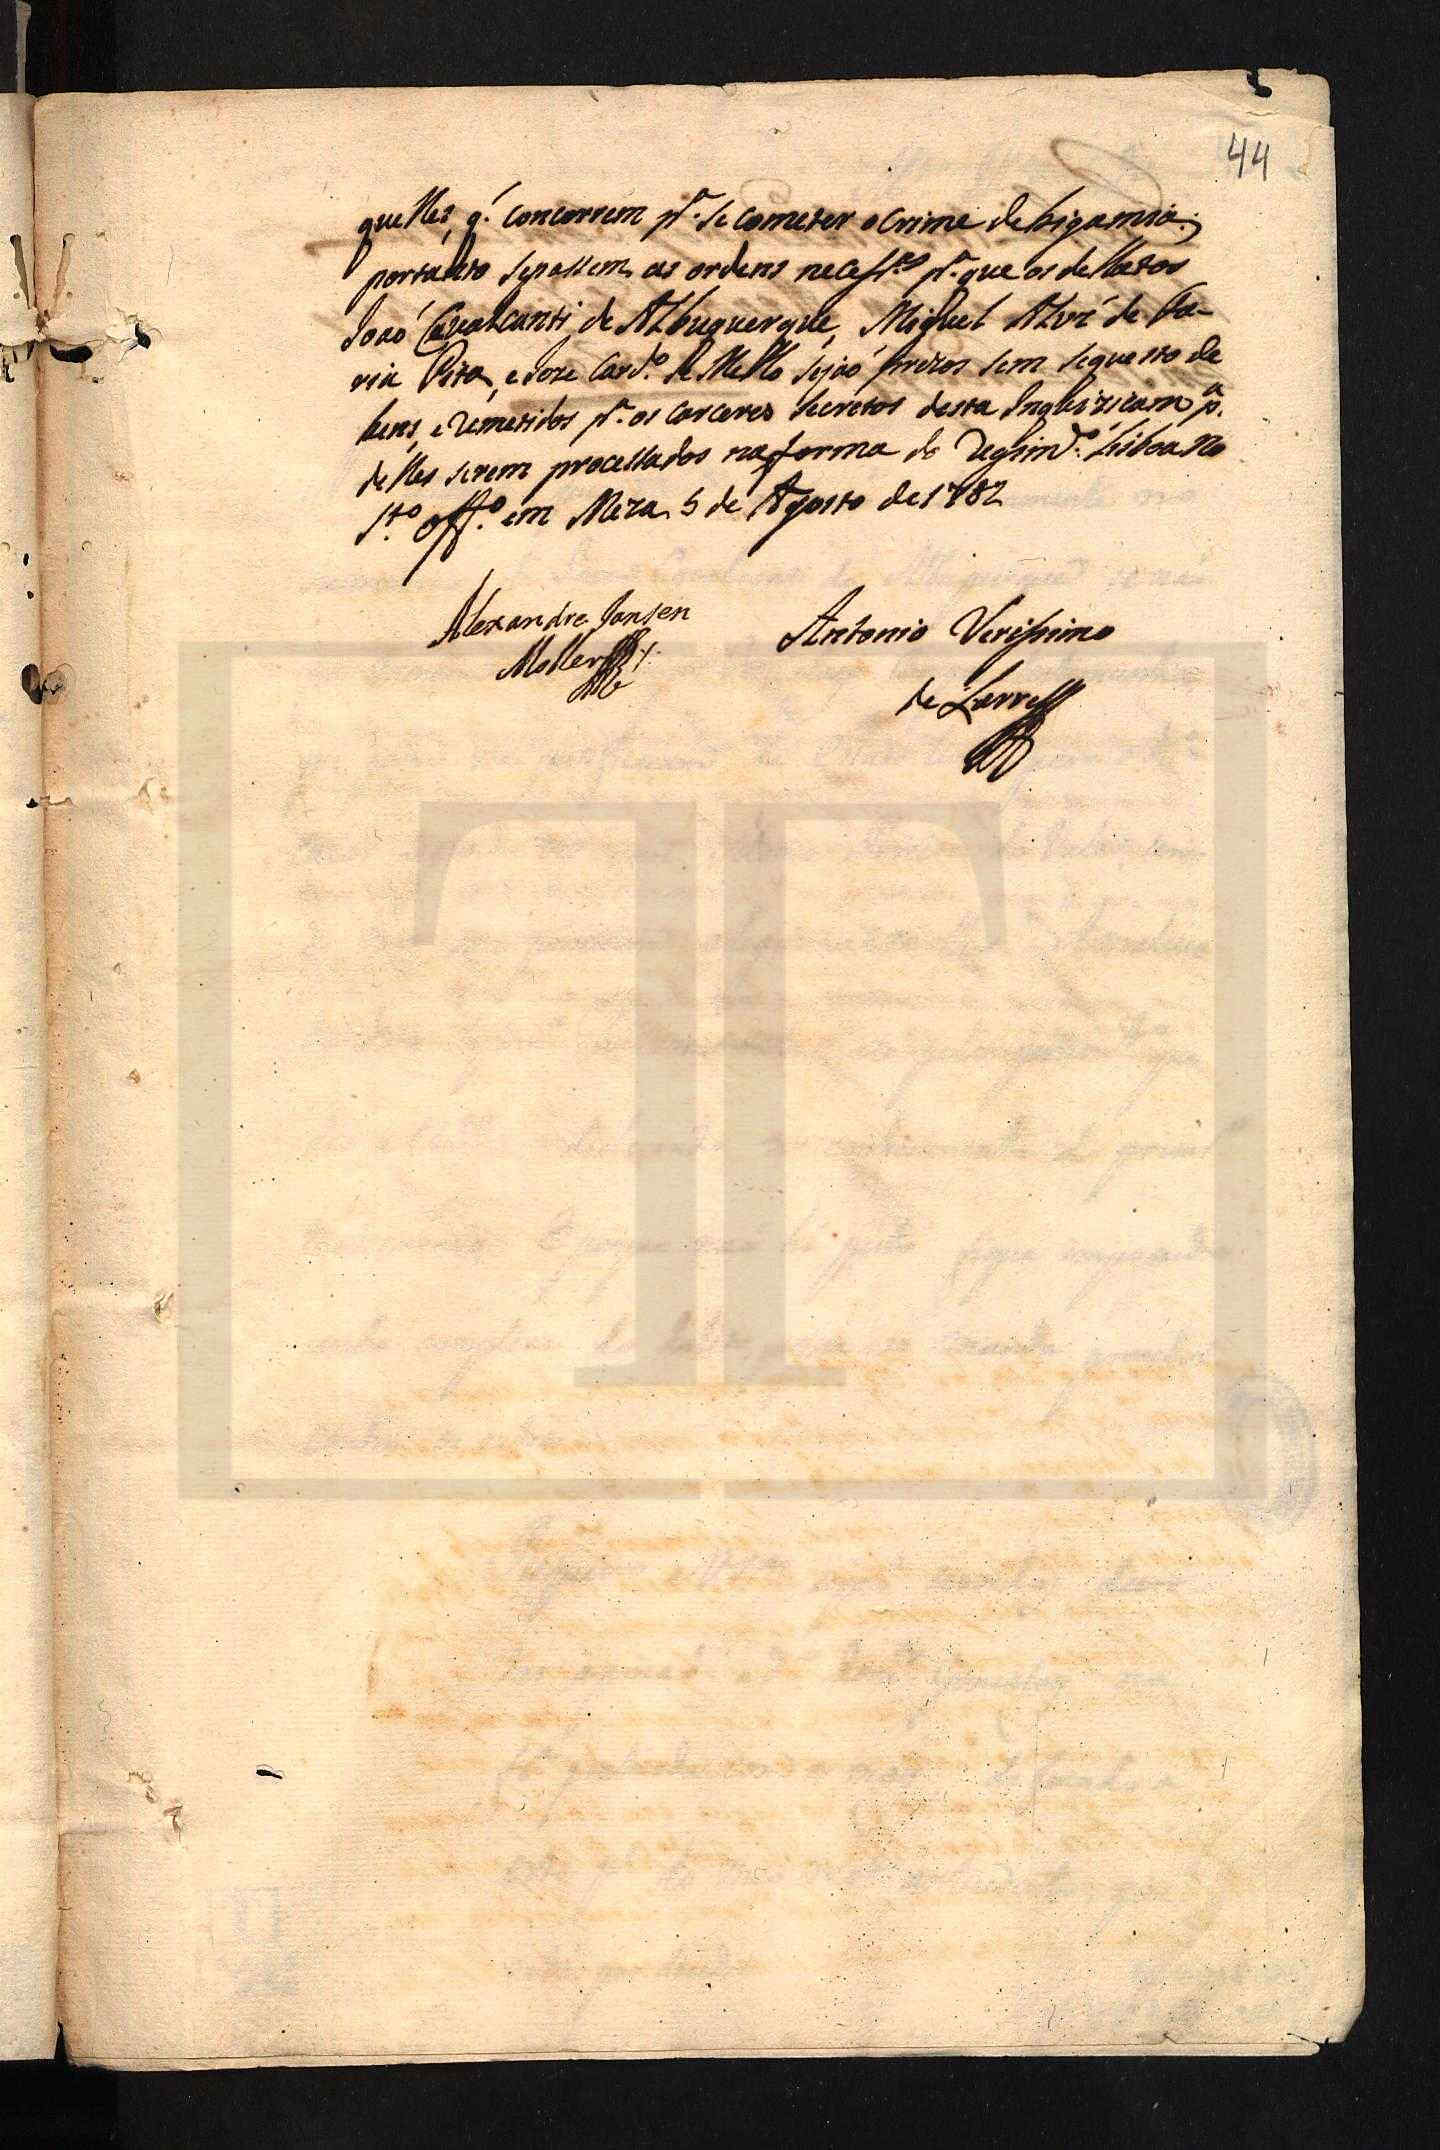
quelles, q̄ concorrem p.a se cometer o crime de bigamia.
portanto se passem as ordens necess.as p.a que os dellatos
Ioaõ Cavalcanti de Albuquerque, Miguel Alvz̄ de Fa
ria Pita, e Ioze Card.o de Mello sejaõ prezos sem sequesto de
bens, e Remetidos p.a os carceres secretos desta Inquiziçam p.a
delles serem processados na forma do Regim.to Lisboa no
s.to off.o em Meza 5 de Agosto de 1782
Alexandre Jansen
Antonio Verissimo
Moller
de Larre
